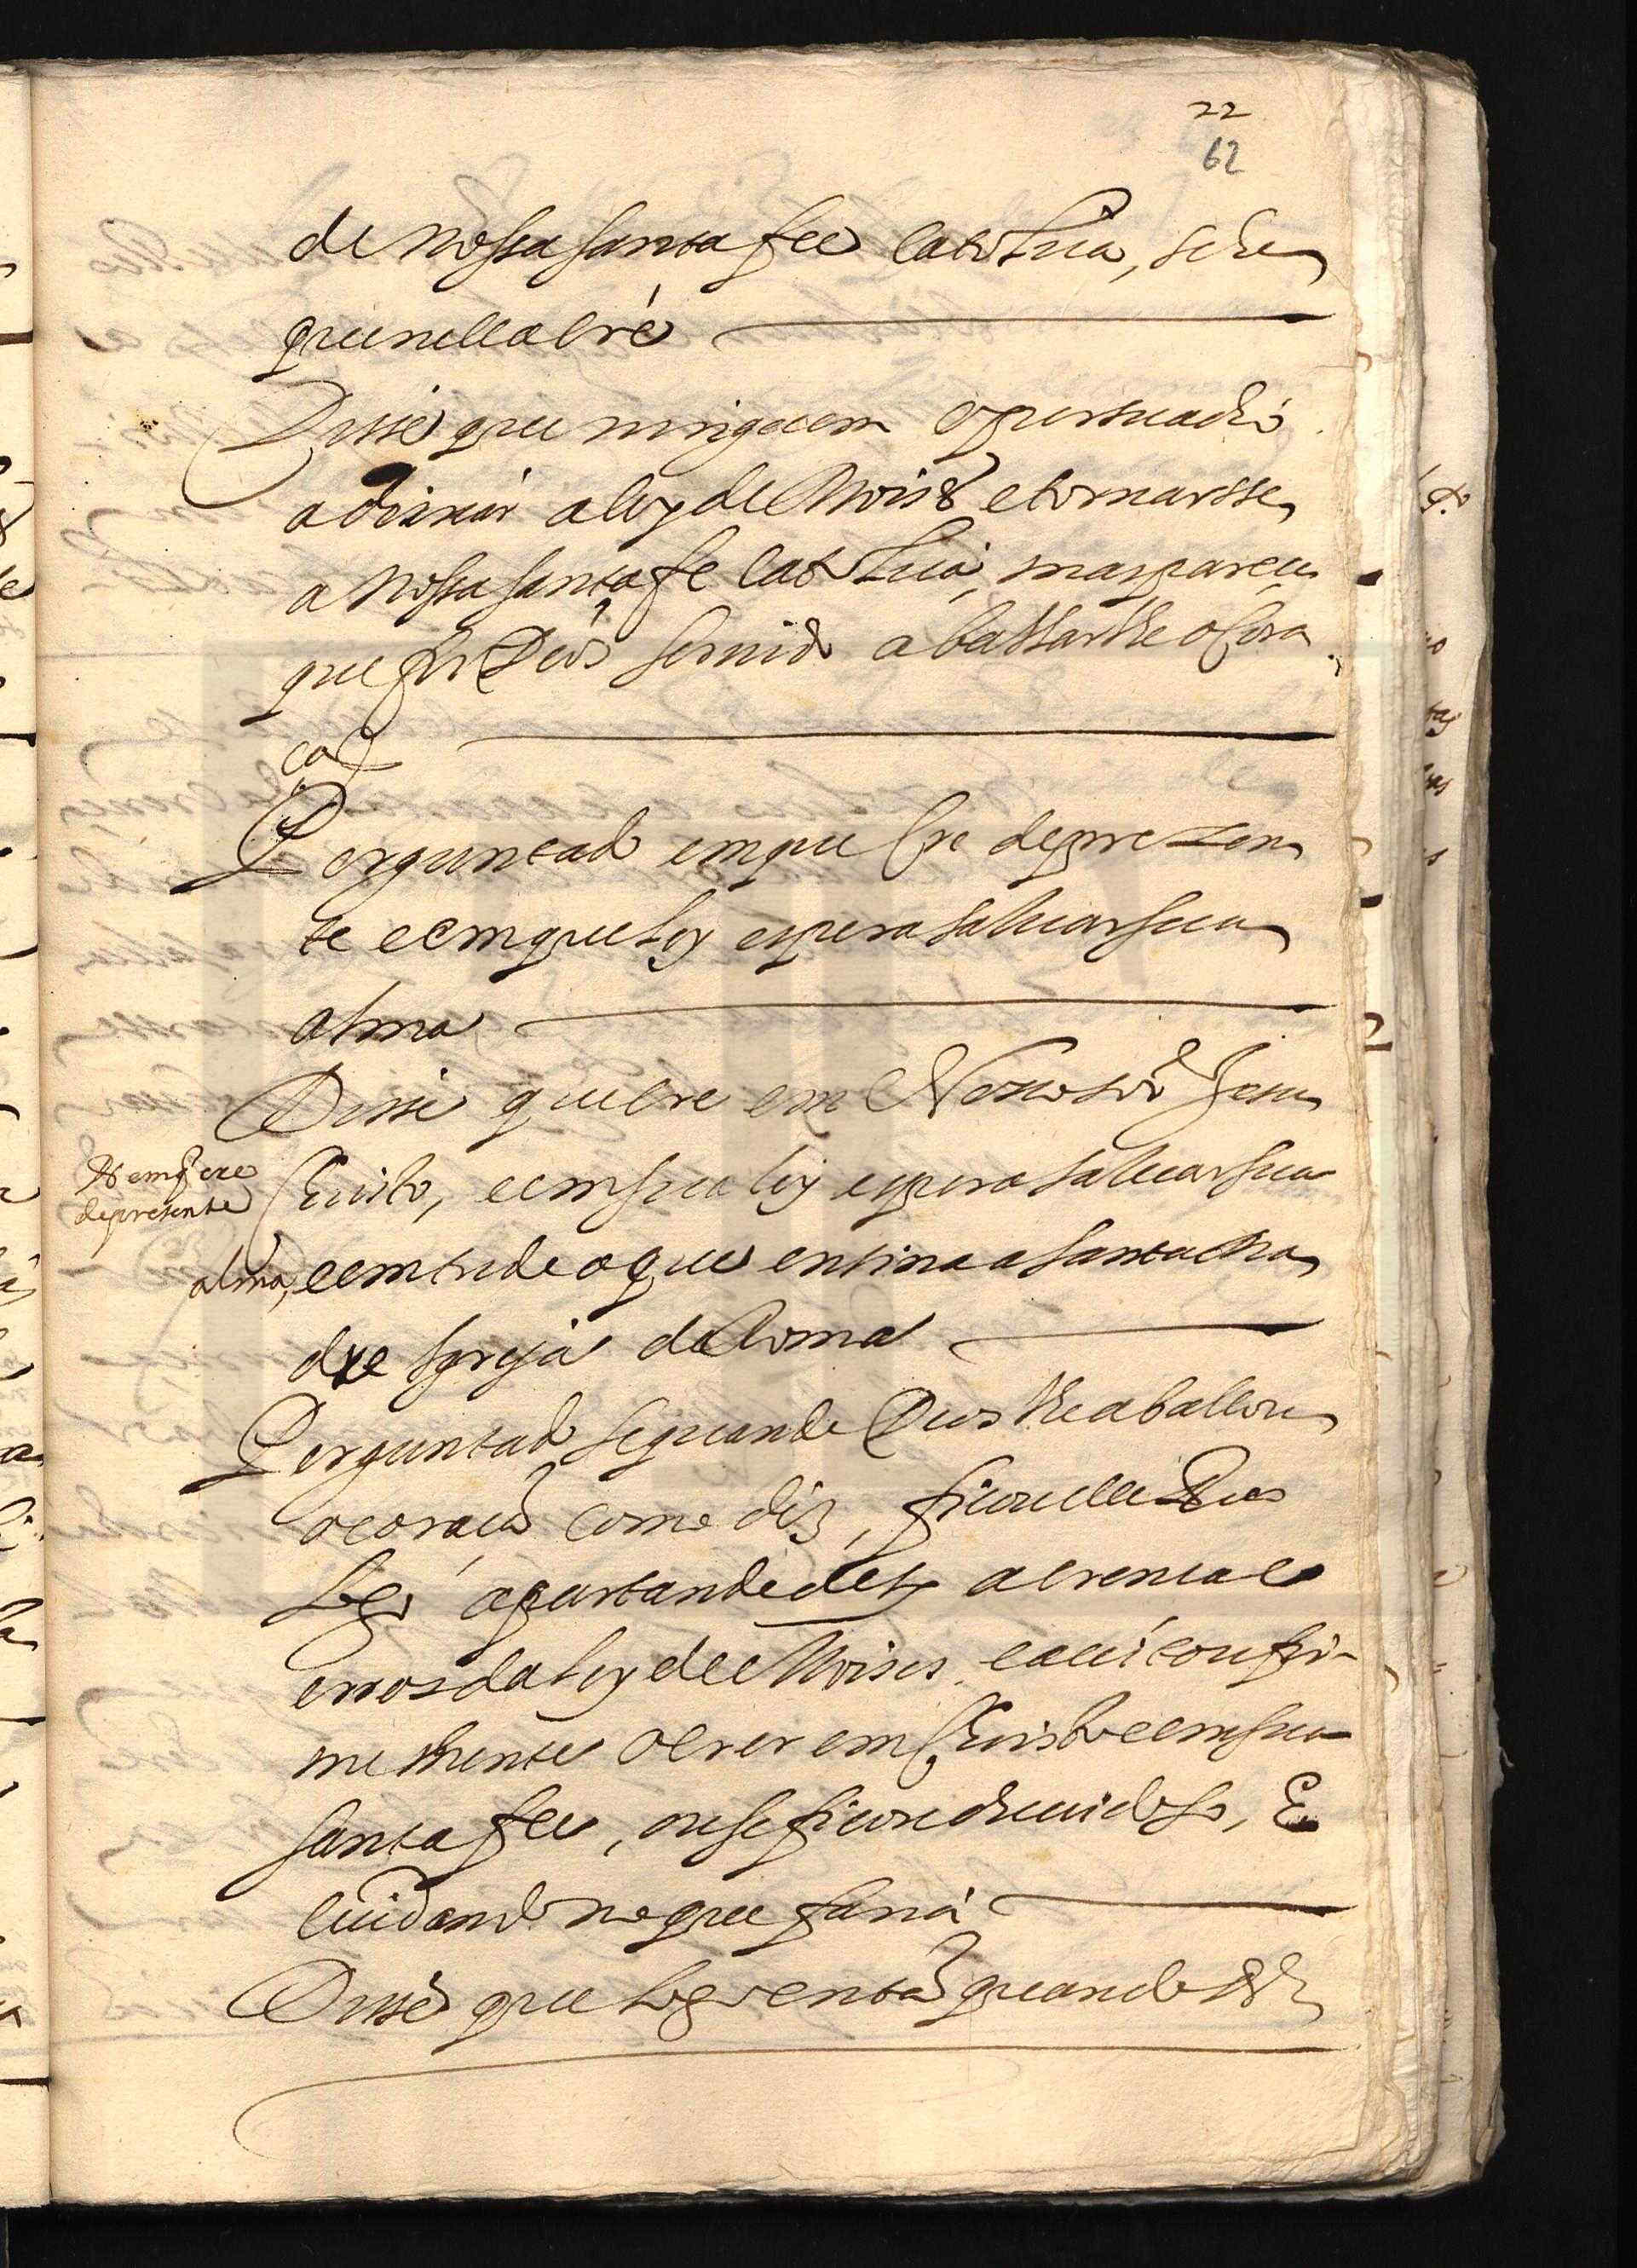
22
de nossa santa fee catolica, se he
que nella cre
Disse que niguem o persuadio
a deixar a ley de Moises e tornarsse
a nossa santa fe catolica, mas parece
que foi Deos seruido aballarlhe o Cora
çaõ
Perguntado em que Cre de prezen
te e em que Ley espera saluar sua
alma
Disse que cre em Nosso sor̄ Jesu
Ds em q̄ cre
de presente
Christo, e em sua ley espera saluar sua
alma, e em tudo o que ensina a Santa Ma
dre Igreja de Roma
Perguntado se quando Deos lhe aballou
o coração como diz, ficou elle Reo
logo apartando de sy a crença e
erros da ley de Moises, e aceitou fir
memente o crer em Christo e em sua
santa fee, ou se ficou duuidoso, E
cuidando no que faria
Disse que logo entaõ quando Ds̄
